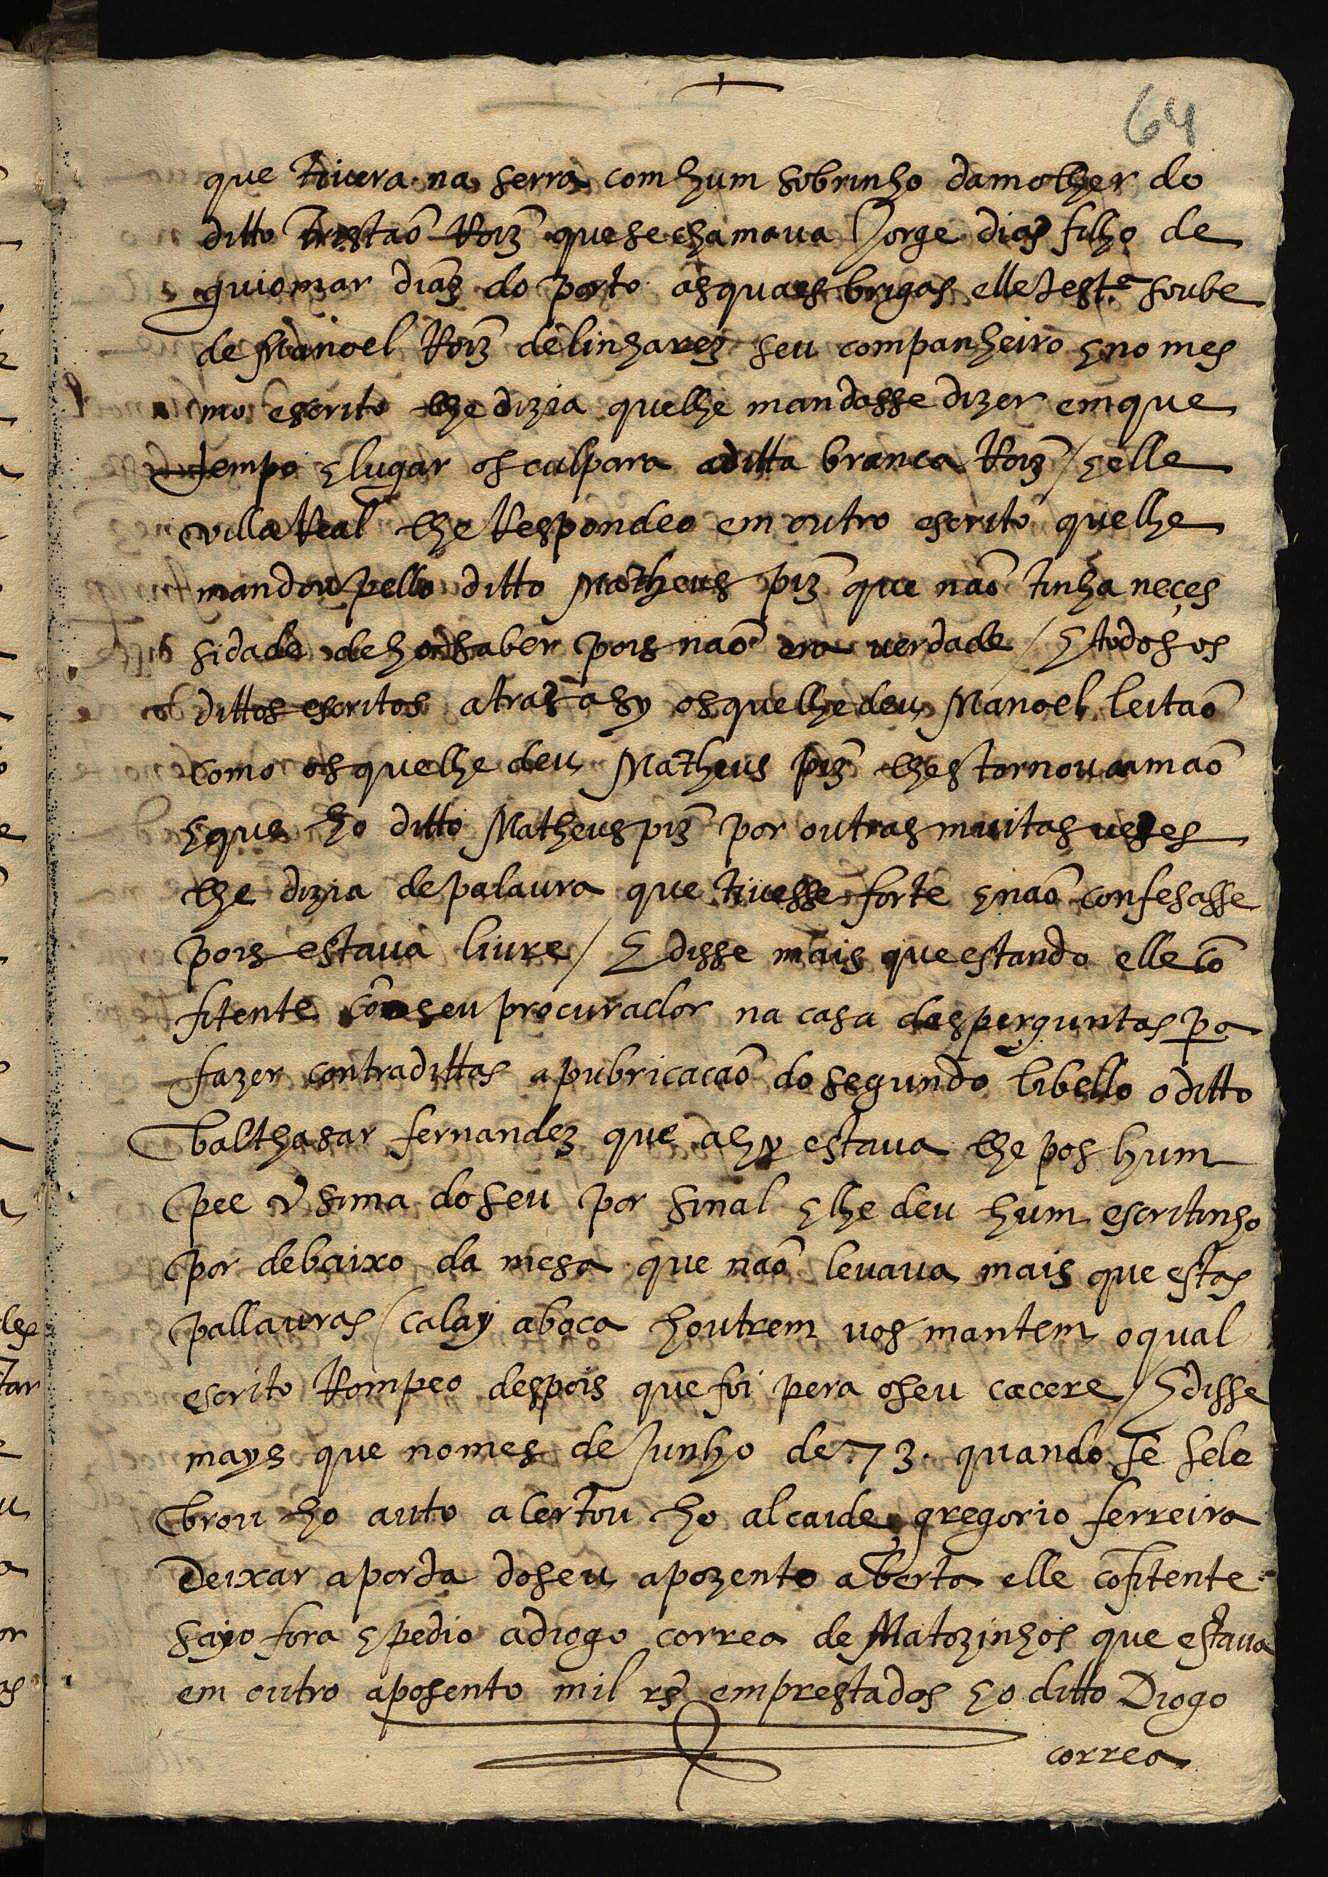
que tiuera na serra com hum sobrinho da molher do
ditto Tristaõ Roiz̄ que se chamaua Jorge diaz filho de
guiomar diaz̄ do porto as quaes brigas elle testa soube
de Manoel Roiz̄ de linharez seu companheiro E no mes
mo escrito lhe dizia que lhe mandasse dizer em que
tempo E lugar os culpara a ditta branca Roiz̄ / E elle
villa Real lhe Respondeo em outro escrito que lhe
mandou pello ditto Matheus piz̄ que naõ tinha neçes
sidade de ho saber pois naõ era uerdade / E todos os
dittos escritos atras asy os que lhe deu Manoel leitaõ
como os que lhe deu Matheus piz̄ lhes tornou aa maõ
E que do ditto Matheus piz̄ por outras muitas ueses
lhe dizia de palaura que tiuesse forte E naõ confesasse
pois estaua liure / E disse mais que estando elle cō
fitente cō_ seu procurador na casa das perguntas ꝑa
fazer contradittas a pubricacaõ do segundo libello o ditto
balthasar fernandez que ahy estaua lhe pos hum
pee ē sima do seu por sinal E lhe deu hum escritinho
por debaixo da mesa que naõ leuaua mais que estas
pallauras (calay a boca houtrem uos mantem o qual
escrito Rompeo despois que foi pera o seu cacere / E disse
mays que no mes de Junho de 73. quando se sele
brou ho auto acertou ho alcaide gregorio ferreira
deixar a porta do seu apozento aberta elle cōfitente
sayo fora E pedio a diogo correa de Matozinhos que estaua
em outro aposento mil rs̄ emprestados E o ditto Diogo
correa
